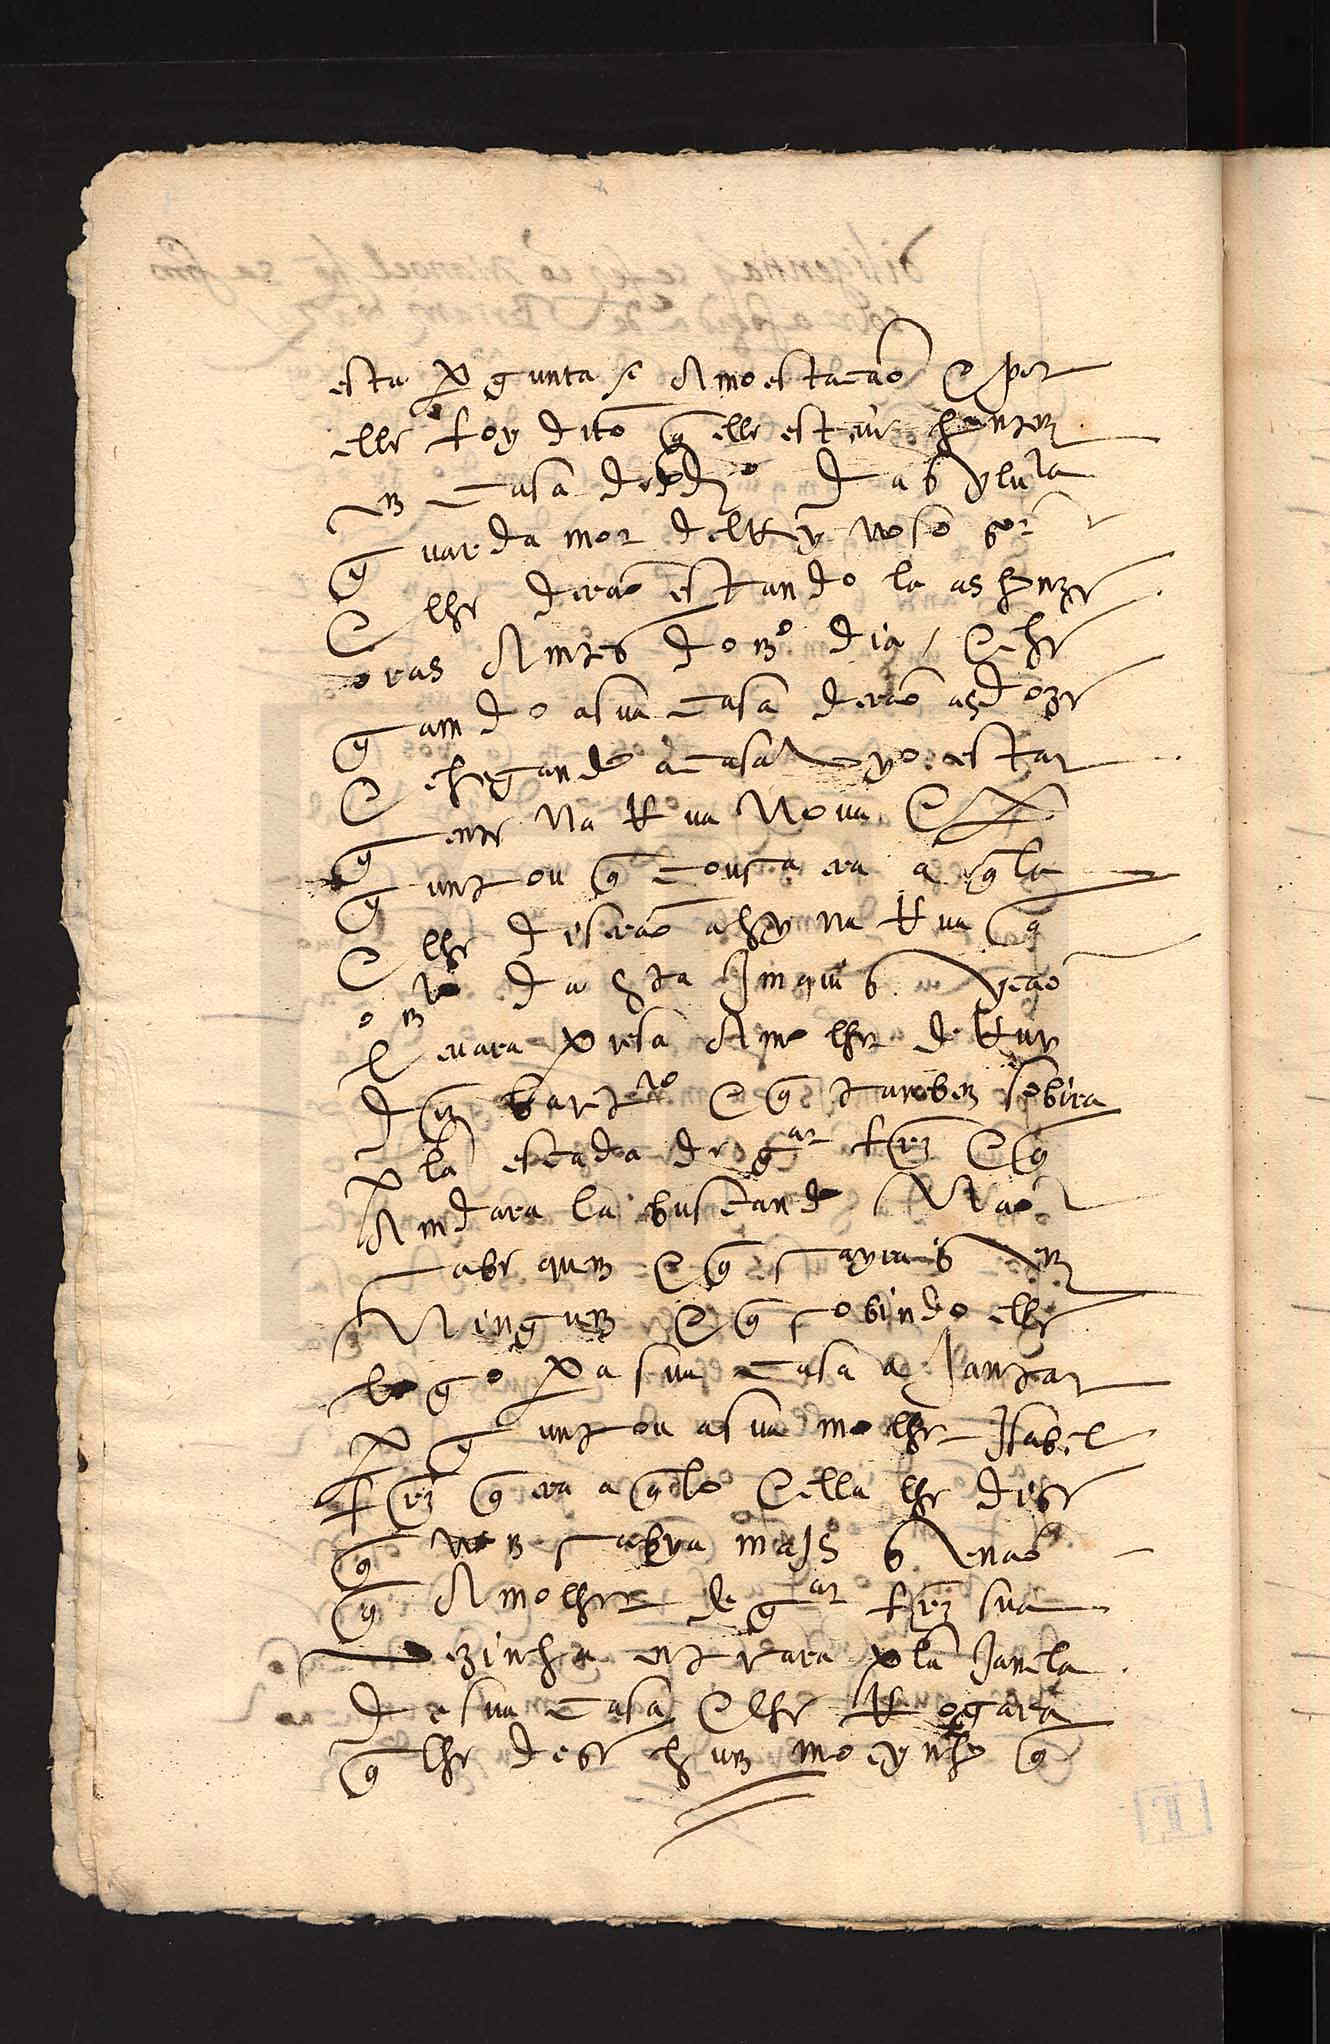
esta ꝑgunta e Amoestação e por
elle foy ditō q̄ elle esteue hontem
em casa de d̄o djo da sylura
guarda mor del Rey noso sor̄
e lhe derão estando la as honze
oras Amtes do mo dia / e che
gamdo a sua Casa deraõ as doze
e chegando a Casa Vyo estar
gente Na Rua Noua e ꝑ
guntou q̄ cousa era aq̄la
e lhe deseraõ ahy na Rua q̄
o mro da Sta Jmquisycaõ
leuara presa A molher de Ruy
dīz baretro e q̄ tambem sobira
plā escada de gar fr̄z e q̄
Amdara la buscando Naõ
sabe quem e q̄ sayra sem
Ninguem e q̄ sobindo elle
logo ꝑ a sua casa a Jantar
ꝑguntou a sua molher Jsabel
fr̄z q̄ era aq̄lo e ella lhe dise
q̄ nom sabya maJs senão
q̄ A molher de gar fr̄z sua
vezinha entrara plā Janela
de sua casa e lhe Rogara
q̄ lhe dese hum mocynho q̄
